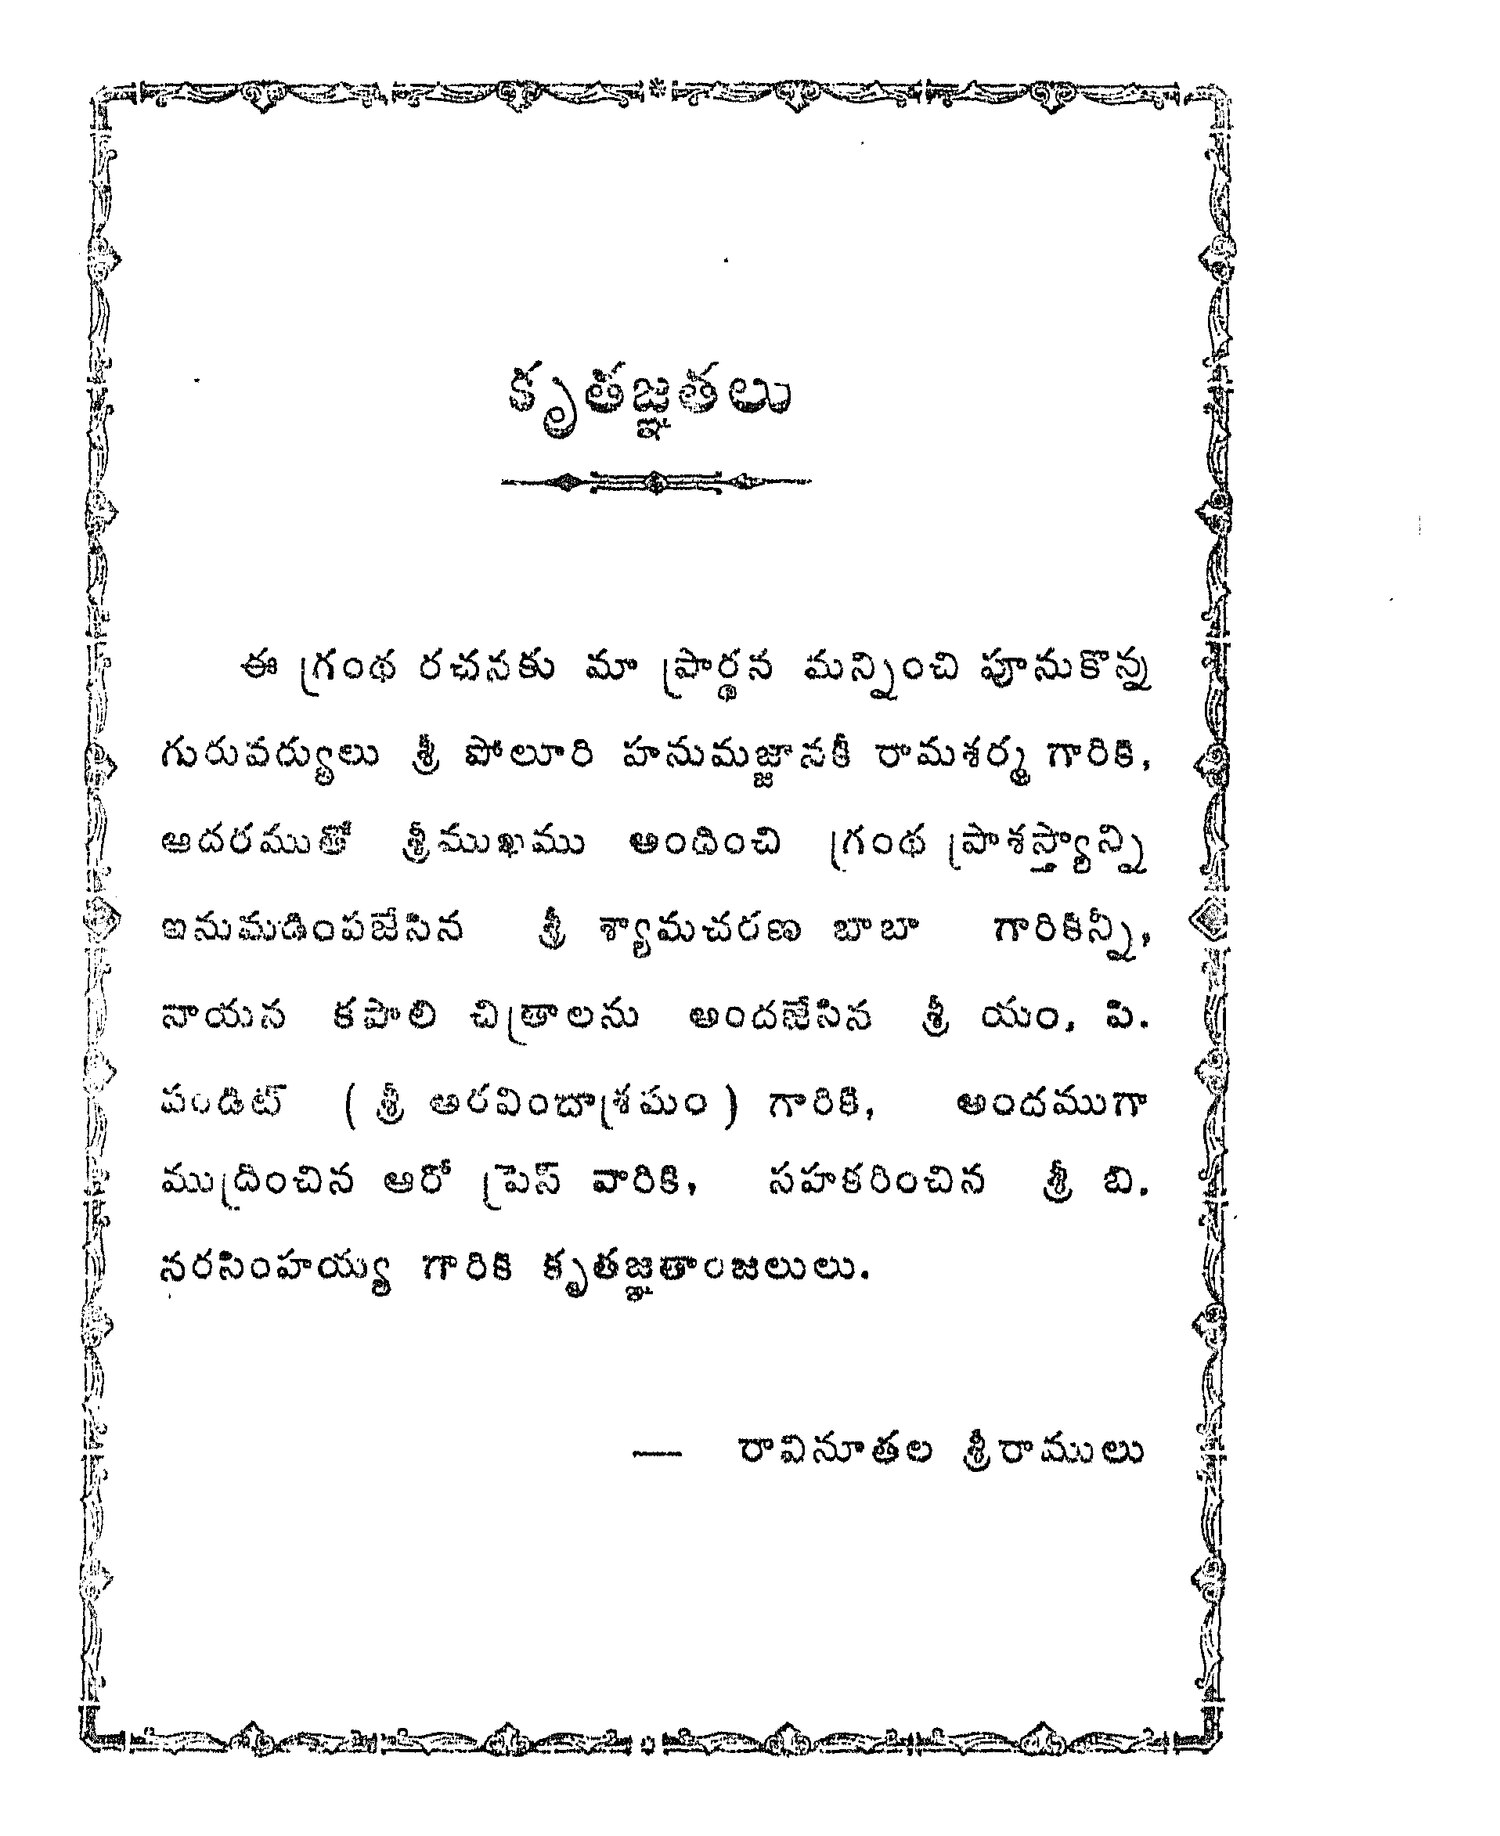ఈ గ్రంథ రచనకు మాప్రార్థన మన్నించి పూనుకొన్న గురువర్యులు శ్రీ పోలూరి హనుమజ్జానకి రామశర్మ గారికి, ఆదరముతో శ్రీముఖము అందించి గ్రంథ ప్రాశస్త్యాన్ని ఇనుమడింపజేసిన శ్రీ శ్యామచరణ బాబా గారికిన్నీ, నాయన కపాలి చిత్రాలను అందజేసిన శ్రీ యం. పి. పండిట్ (శ్రీ అరవిందాశ్రమం) గారికి, అందముగా ముద్రించిన ఆరో ప్రెస్ వారికి, సహకరించిన శ్రీ బి. నరసింహయ్య గారికి కృతజ్ఞతాంజలులు.

---రావినూతల శ్రీరాములు